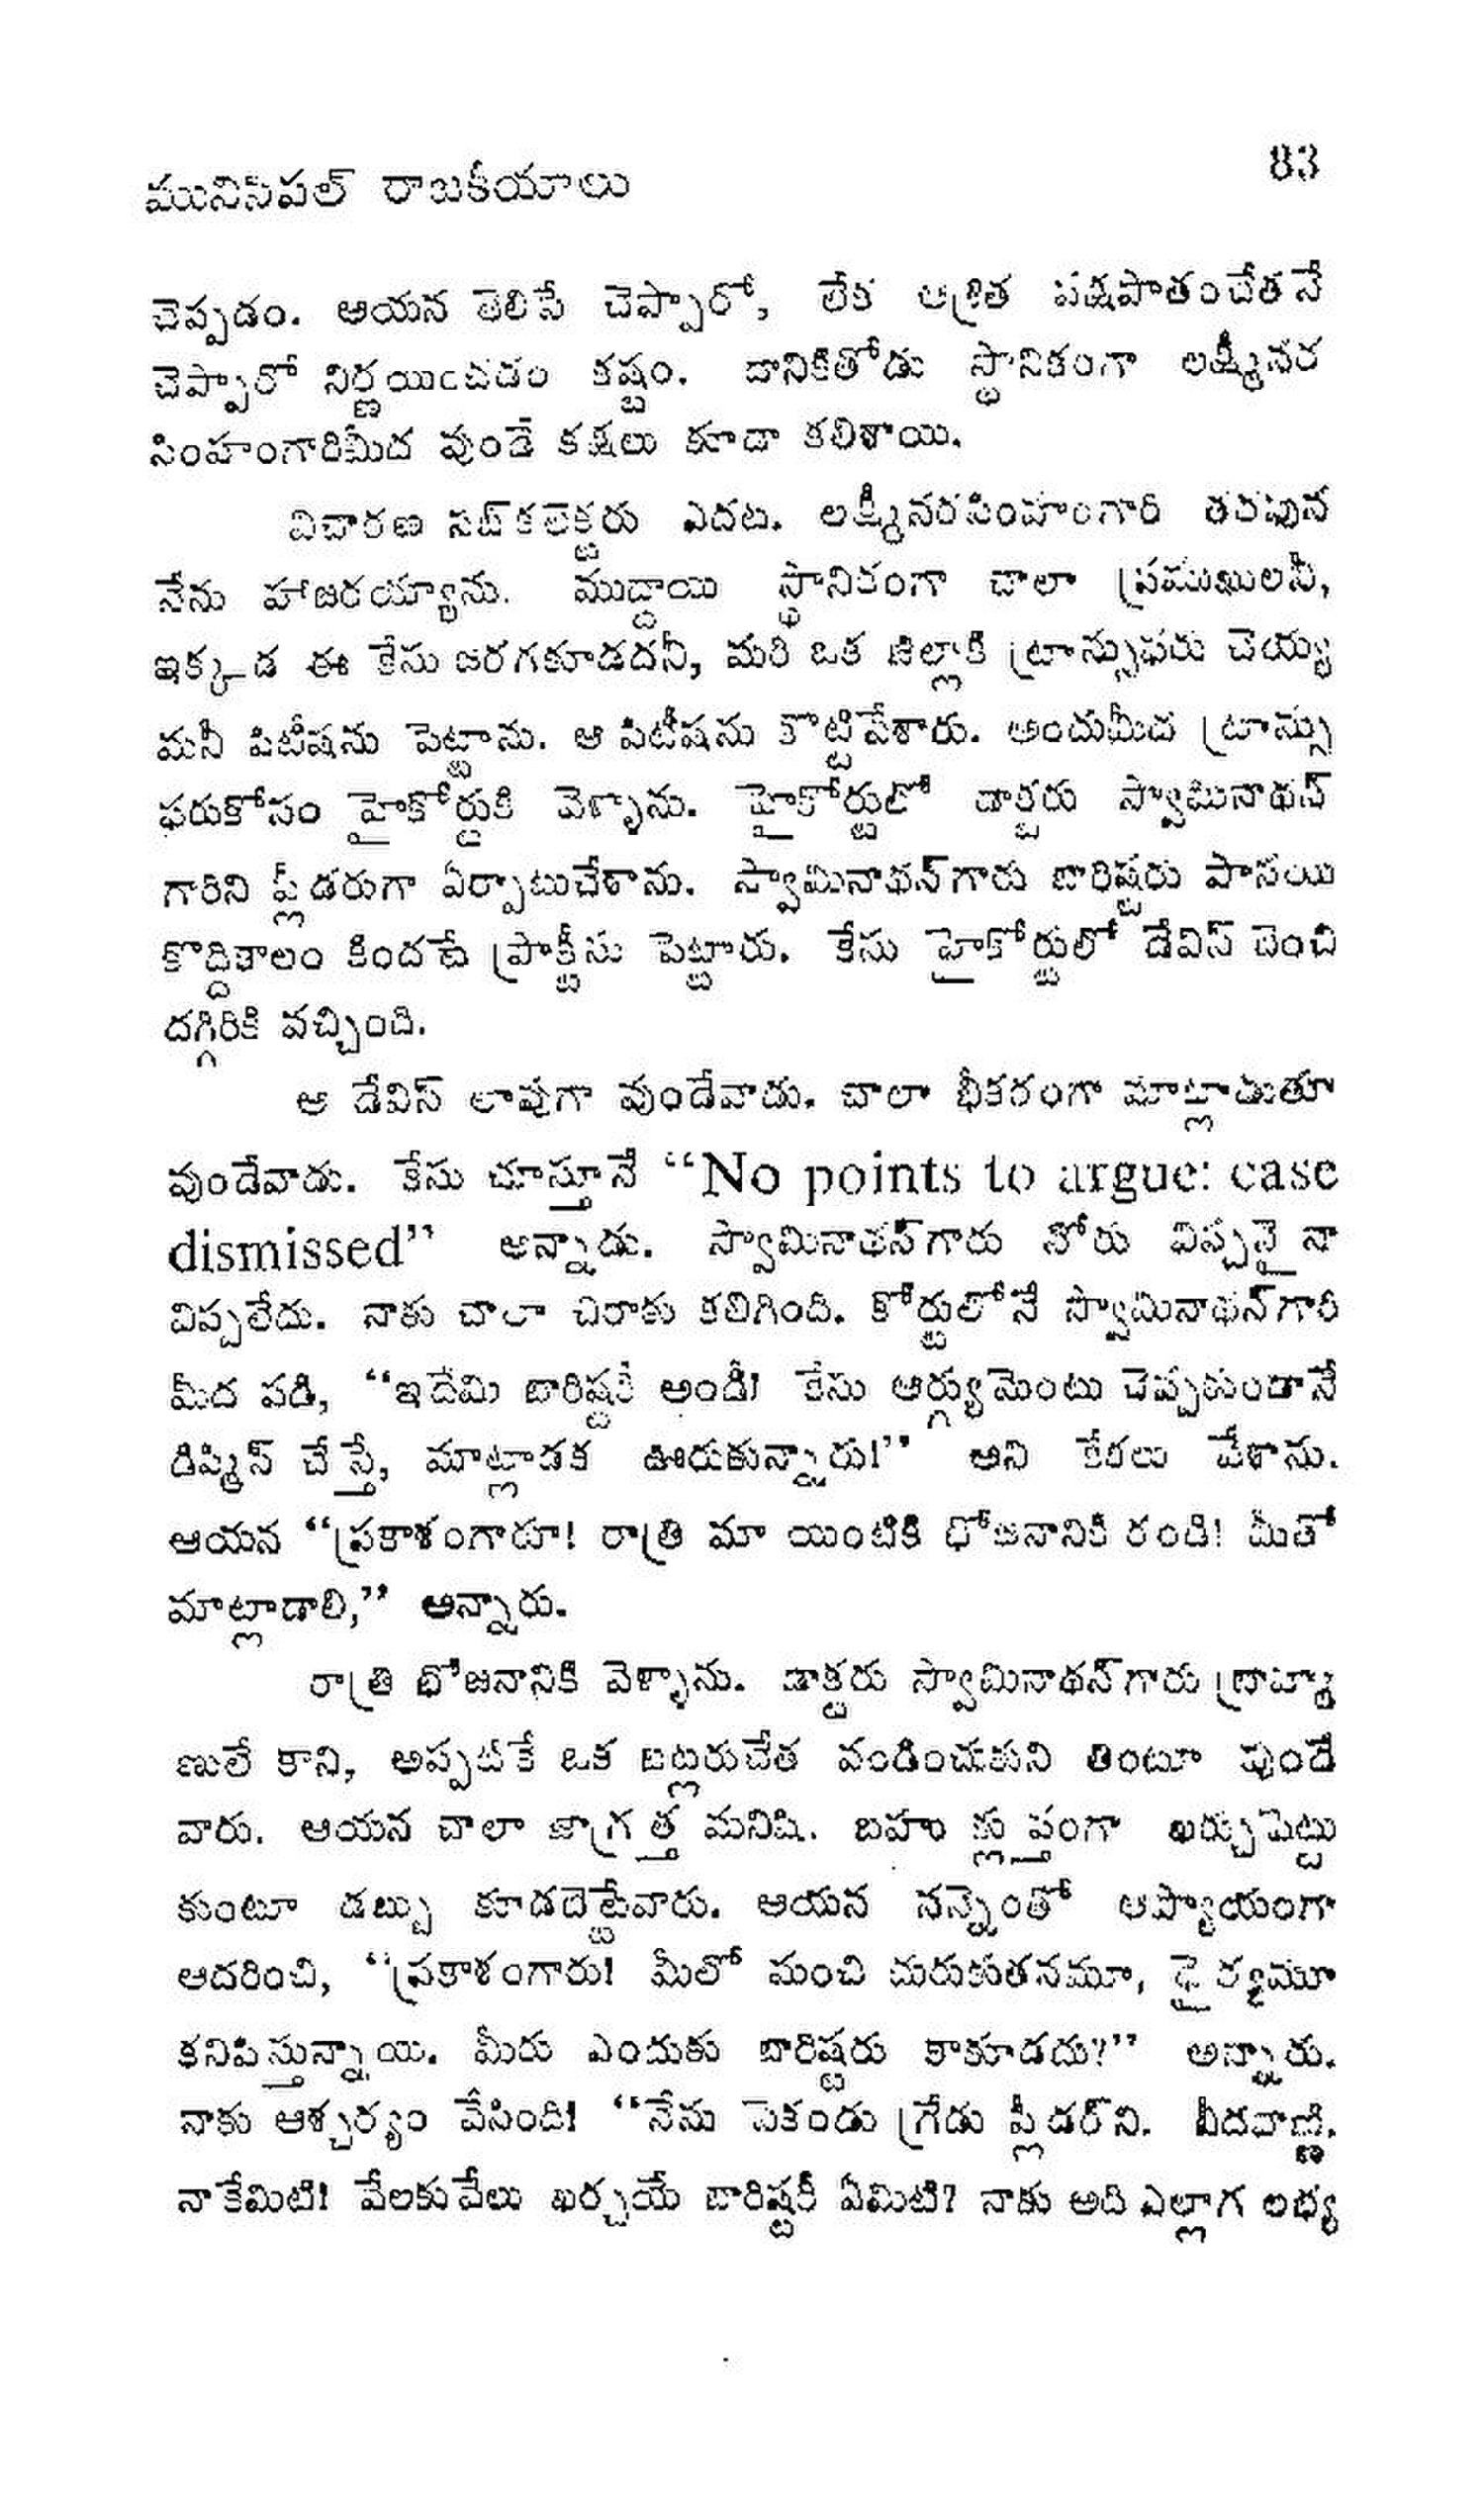చెప్పడం. ఆయన తెలిసే చెప్పారో, లేక ఆశ్రిత పక్షపాతంచేతనే చెప్పారో నిర్ణయించడం కష్టం. దానికితోడు స్థానికంగా లక్ష్మీనరసింహంగారిమీద వుండే కక్షలు కూడా కలిశాయి.

విచారణ సబ్‌కలెక్టరు ఎదట. లక్ష్మీనరసింహంగారి తరపున నేను హాజరయ్యాను. ముద్దాయి స్థానికంగా చాలా ప్రముఖులనీ, ఇక్కడ ఈ కేసు జరగకూడదనీ, మరి ఒక జిల్లాకి ట్రాన్సుఫరు చెయ్యమనీ పిటీషను పెట్టాను. ఆ పిటీషను కొట్టివేశారు. అందుమీద ట్రాన్సుఫరుకోసం హైకోర్టుకి వెళ్ళాను. హైకోర్టులో డాక్టరు స్వామినాథన్ గారిని ప్లీడరుగా ఏర్పాటుచేశాను. స్వామినాథన్‌గారు బారిష్టరు పాసయి కొద్దికాలం కిందటే ప్రాక్టీసు పెట్టారు. కేసు హైకోర్టులో డేవిస్ బెంచి దగ్గిరికి వచ్చింది.

ఆ డేవిస్ లావుగా వుండేవాడు. చాలా భీకరంగా మాట్లాడుతూ వుండేవాడు. కేసు చూస్తూనే "No points to argueː case dismissed" అన్నాడు. స్వామినాథన్‌గారు నోరు విప్పనైనా విప్పలేదు. నాకు చాలా చిరాకు కలిగింది. కోర్టులోనే స్వామినాథన్‌గారిమీద పడి, "ఇదేమి బారిష్టరీ అండీ! కేసు ఆర్గ్యుమెంటు చెప్పకుండానే డిస్మిస్ చేస్తే, మాట్లాడక ఊరుకున్నారు!" అని కేకలు వేశాను. ఆయన "ప్రకాశంగారూ! రాత్రి మా యింటికి భోజనానికి రండి! మీతో మాట్లాడాలి," అన్నారు.

రాత్రి భోజనానికి వెళ్ళాను. డాక్టరు స్వామినాథన్‌గారు బ్రాహ్మణులే కాని, అప్పటికే ఒక బట్లరుచేత వండించుకుని తింటూ వుండేవారు. ఆయన చాలా జాగ్రత్త మనిషి. బహు క్లుప్తంగా ఖర్చుపెట్టుకుంటూ డబ్బు కూడబెట్టేవారు. ఆయన నన్నెంతో ఆప్యాయంగా ఆదరించి, "ప్రకాశంగారు! మీలో మంచి చురుకుతనమూ, ధైర్యమూ కనిపిస్తున్నాయి. మీరుఎందుకు బారిష్టరు కాకూడదు?" అన్నారు. నాకు ఆశ్చర్యం వేసింది! "నేను సెకండు గ్రేడు ప్లీడర్‌ని. బీదవాణ్ణి. నాకేమిటి! వేలకువేలు ఖర్చయే బారిష్టరీ ఏమిటి? నాకు అది ఎల్లాగ లభ్య